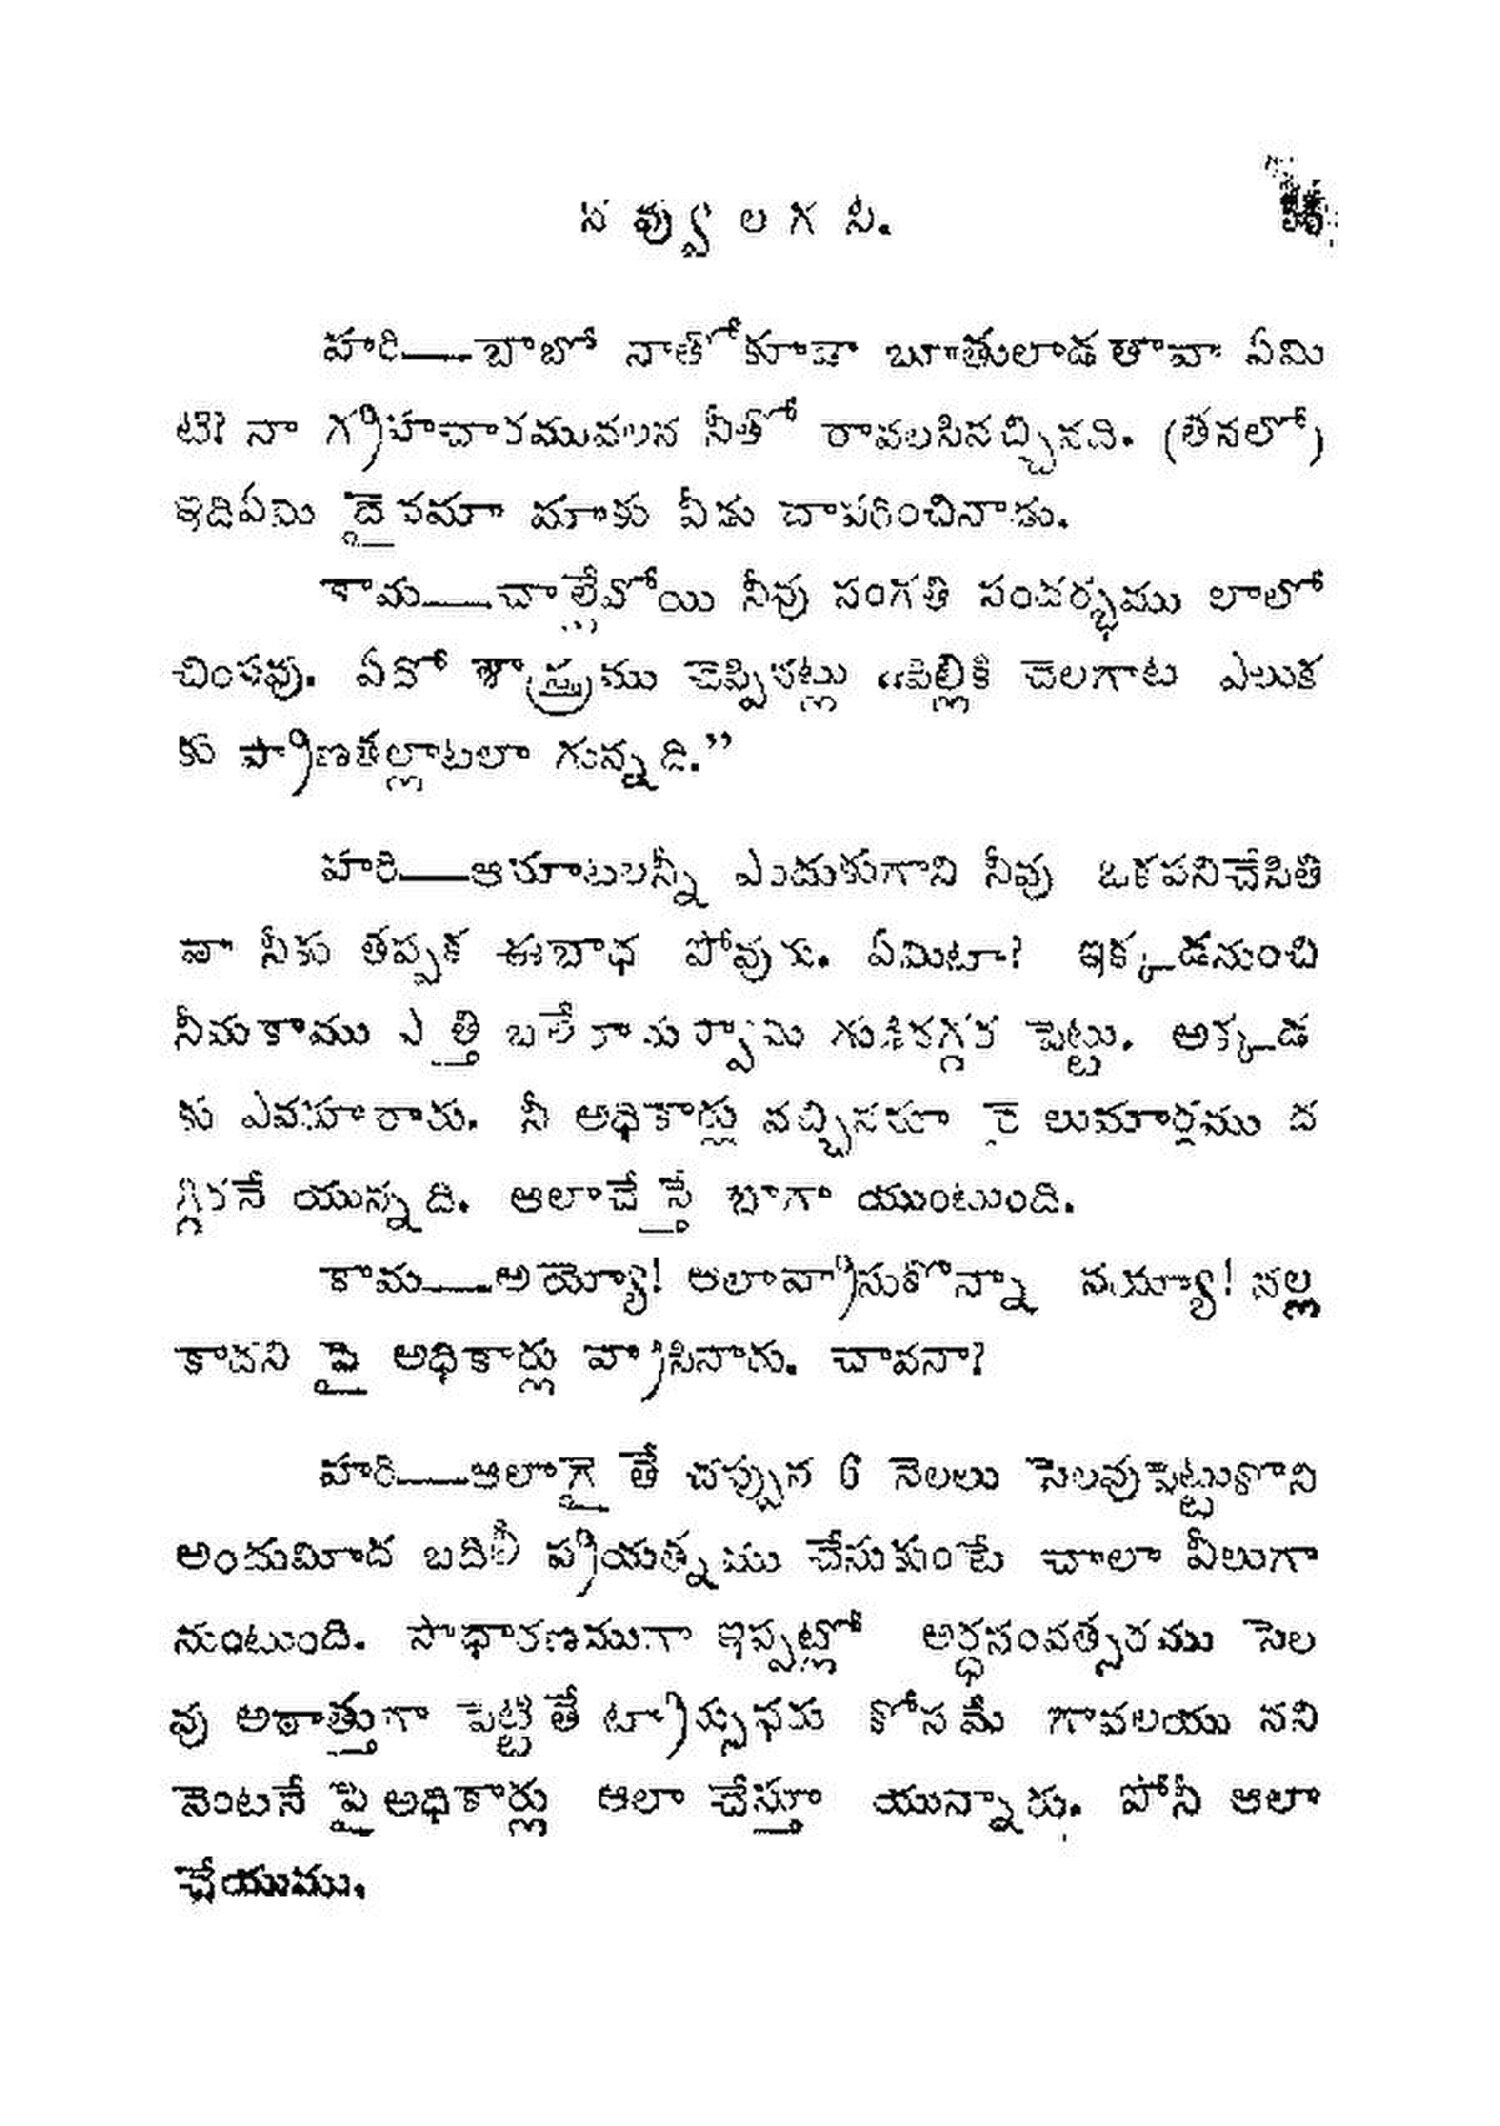హరి--బాబో నాతో కూడా బూతులాడతావా ఏమి
టి? నా గ్రహచారమువున నీతో రావలసినచ్చినది. (తనలో)
ఇదిఏమి 'దైవమా మాకు వీడు దాపరించినాడు,
కామచా లేవోయి నీవు సంగతి సందర్భము లాలో
చింపవు. ఏవో శాస్త్రము చెప్పినట్లు (పిల్లికి చెలగాట ఎలుక
కు ప్రాణతల్లాటలా గున్న ది.”
హరి మాటలన్నీ ఎందుకు గాని నీవు ఒకపనిచేసితి
నా సీకు తప్పక ఈబాధ పోవుడు. ఏమిటా! ఇక్కడనుంచి
నీమ కాము ఎత్తి బలే రామస్వామి గుడి దగ్గర పెట్టు. అక్కడ
కు ఎవరూ రారు. నీ అధి కార్లు వచ్చిననూ ఆ రైలుమార్లము 
దగ్గిరనే యున్నది. అలా చేస్తే బాగా యుంటుంది.
కామ.... అయ్యో! అలా వ్రాసుకొన్నా న య్యా! వల్ల
కాదని పై అధికార్లు 'వ్రాసినారు. చావనా?
హరి... ఆలాగైతే చప్పున 6 నెలలు సెలవు పెట్టుకొని
అందుమీద బదిలీప్రయత్నము చేసుకుంటే చాలా వీలుగా
నుంటుంది. సాధారణముగా ఇప్పట్లో అర్ధసంవత్సరము "సెల
వు అఠాత్తుగా పెట్టితే టాన్ సపరు కోసమే గావలయు నని
వెంటనే పై అధికార్లు ఇలా చేస్తూ యున్నారు. పోనీ ఆలా
చేయుము,